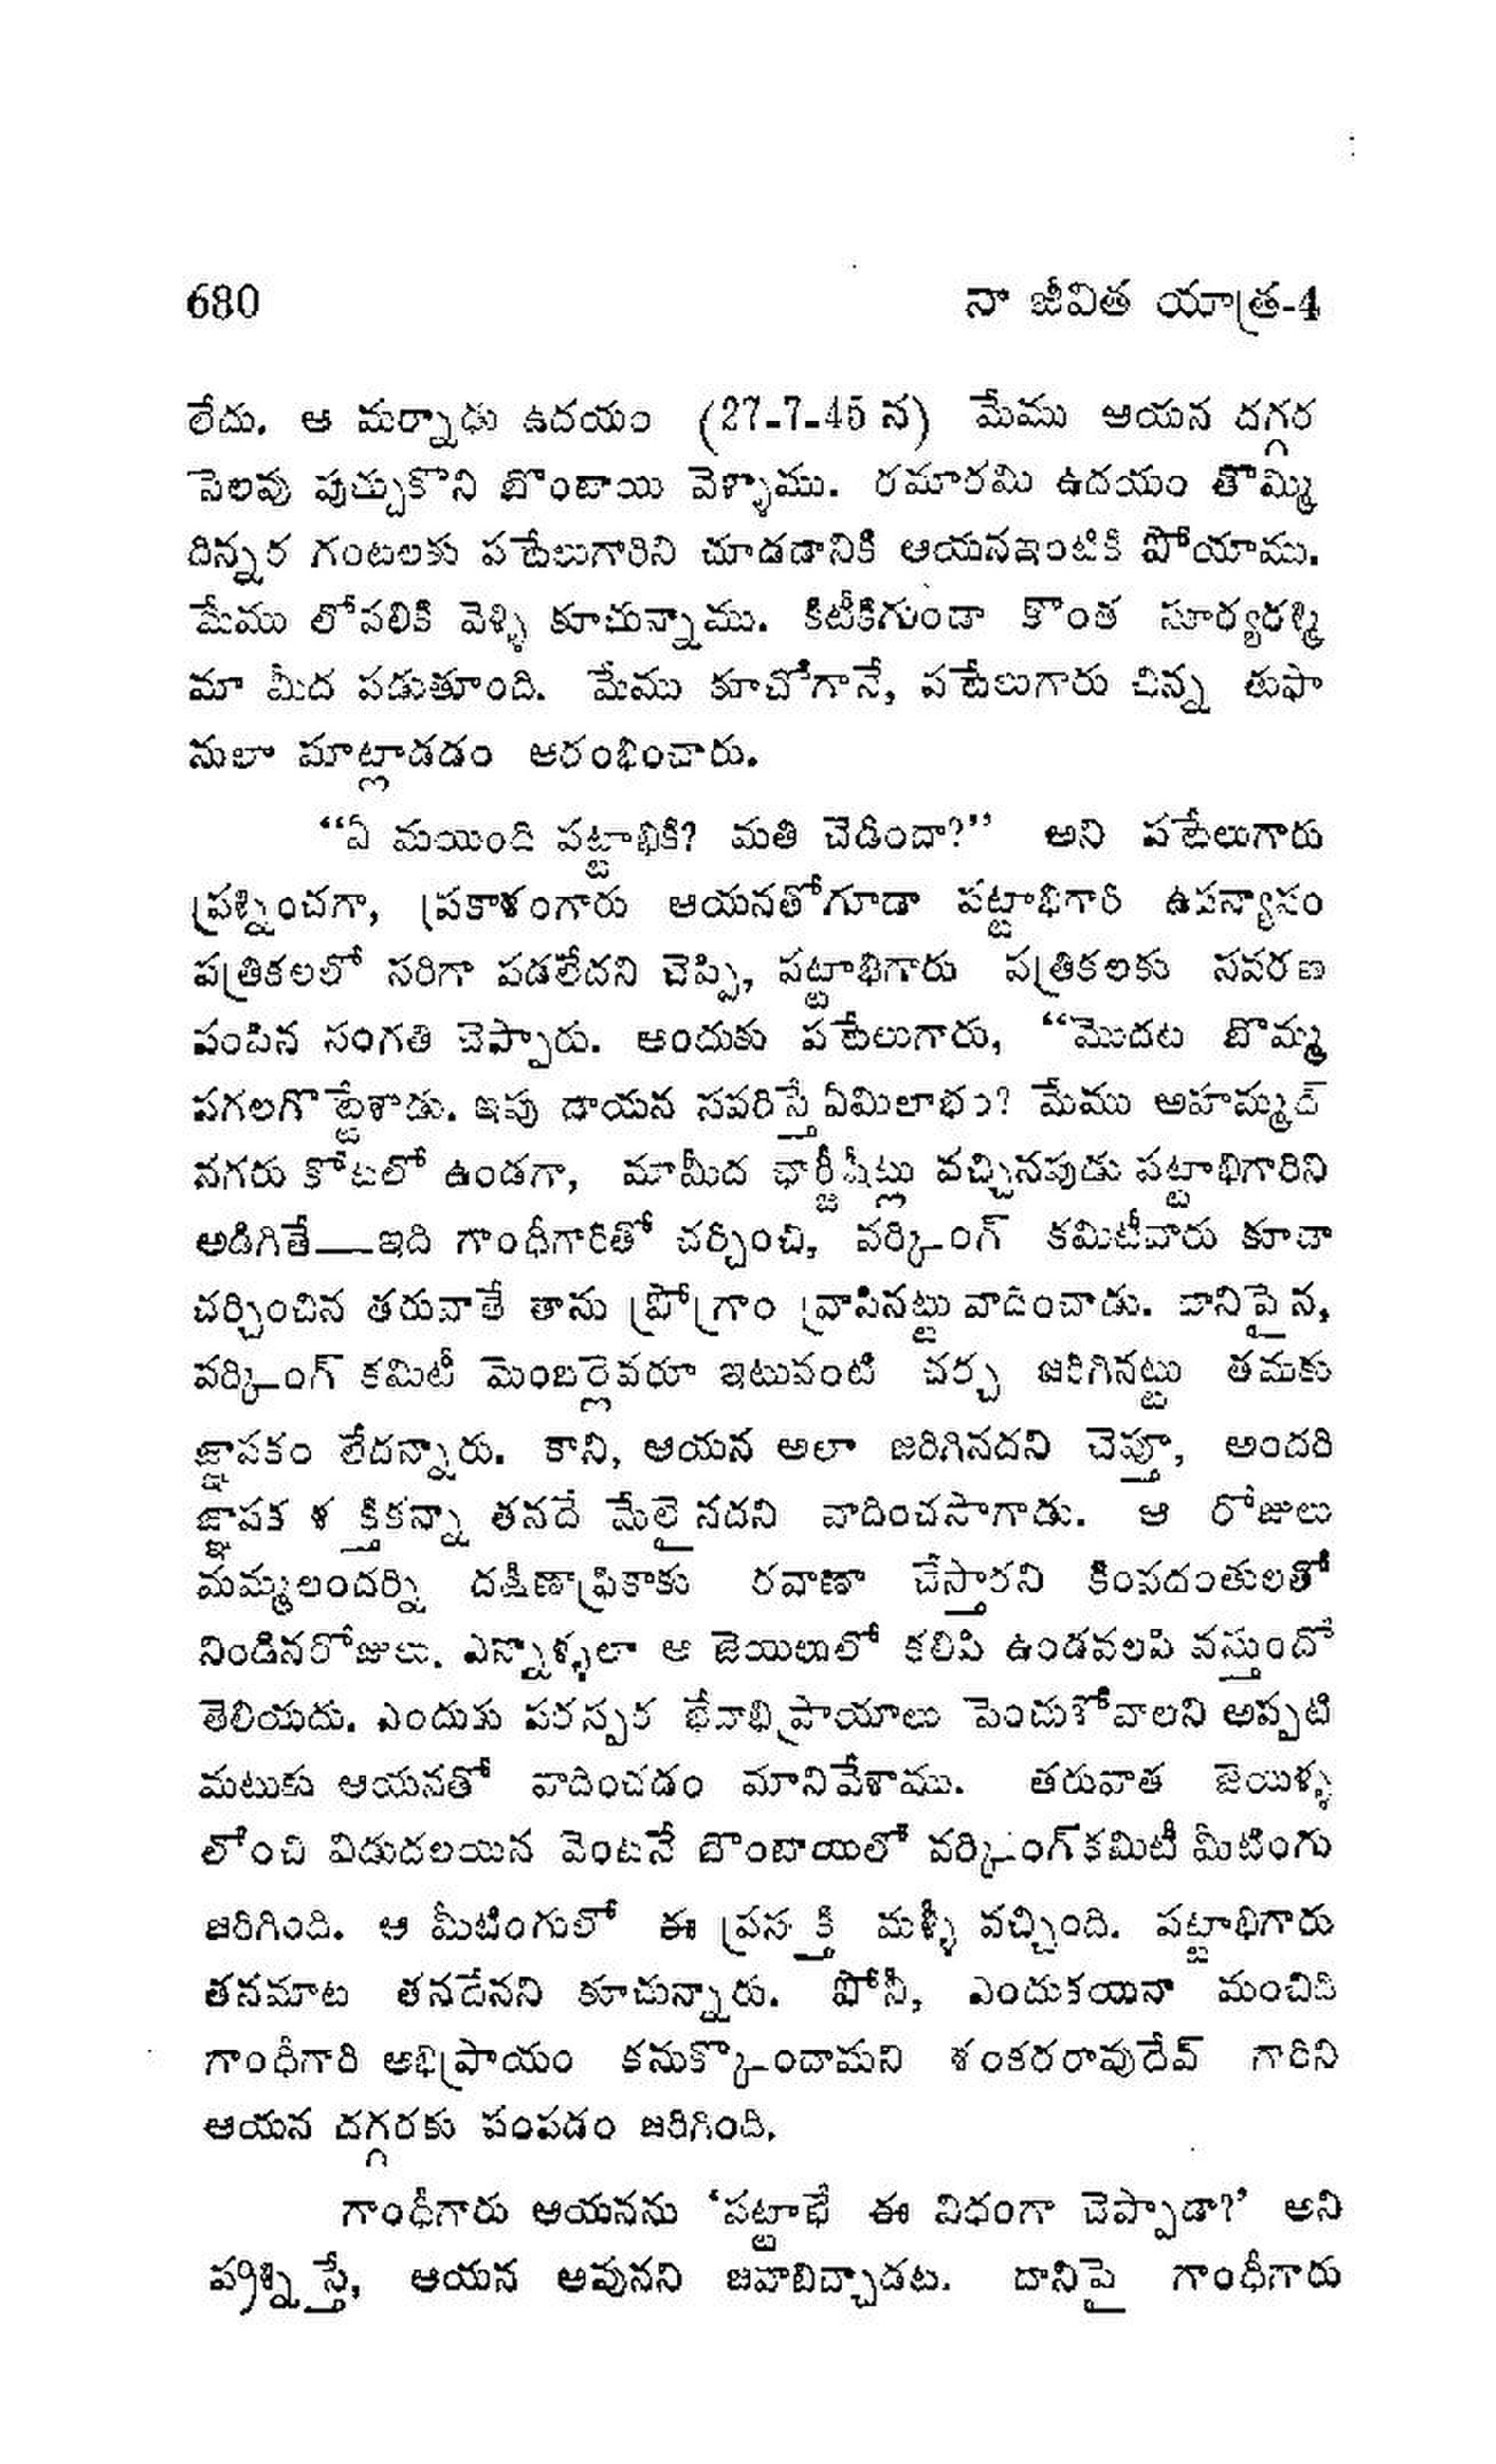లేదు. ఆ మర్నాడు ఉదయం (27-7-46 న) మేము ఆయన దగ్గర సెలవు పుచ్చుకొని బొంబాయి వెళ్ళాము. రమారమి ఉదయం తొమ్మిదిన్నర గంటలకు పటేలుగారిని చూడడానికి ఆయనఇంటికి పోయాము. మేము లోపలికి వెళ్ళి కూచున్నాము. కిటికిగుండా కొంత సూర్యరశ్మి మా మీద పడుతూంది. మేము కూచోగానే, పటేలుగారు చిన్న తుఫానులా మాట్లాడడం ఆరంభించారు.

"ఏ మయింది పట్టాభికి? మతి చెడిందా?" అని పటేలుగారు ప్రశ్నించగా, ప్రకాశంగారు ఆయనతోగూడా పట్టాభిగారి ఉపన్యాసం పత్రికలలో సరిగా పడలేదని చెప్పి, పట్టాభిగారు పత్రికలకు సవరణ పంపిన సంగతి చెప్పారు. అందుకు పటేలుగారు, "మొదట బొమ్మ పగలగొట్టేశాడు. ఇపు డాయన సవరిస్తే ఏమిలాభం? మేము అహమ్మద్ నగరు కోటలో ఉండగా, మామీద ఛార్జీషీట్లు వచ్చినపుడు పట్టాభిగారిని అడిగితే - ఇది గాంధీగారితో చర్చించి, వర్కింగ్ కమిటీవారు కూడా చర్చించిన తరువాతే తాను ప్రోగ్రాం వ్రాసినట్టు వాదించాడు. దానిపైన, వర్కింగ్ కమిటీ మెంబర్లెవరూ ఇటువంటి చర్చ జరిగినట్టు తమకు జ్ఞాపకం లేదన్నారు. కాని, ఆయన అలా జరిగినదని చెప్తూ, అందరి జ్ఞాపక శక్తికన్నా తనదే మేలైనదని వాదించసాగాడు. ఆ రోజులు మమ్మలందర్ని దక్షిణాఫ్రికాకు రవాణా చేస్తారని కింవదంతులతో నిండినరోజులు, ఎన్నాళ్ళలా ఆ జెయిలులో కలిసి ఉండవలసి వస్తుందో తెలియదు. ఎందుకు పరస్పర భేదాభిప్రాయాలు పెంచుకోవాలని అప్పటి మటుకు ఆయనతో వాదించడం మానివేశాము. తరువాత జెయిళ్ళలోంచి విడుదలయిన వెంటనే బొంబాయిలో వర్కింగ్‌కమిటీ మీటింగు జరిగింది. ఆ మీటింగులో ఈ ప్రసక్తి మళ్ళీ వచ్చింది. పట్టాభిగారు తనమాట తనదేనని కూచున్నారు. పోనీ, ఎందుకయినా మంచిది గాంధీగారి అభిప్రాయం కనుక్కొందామని శంకరరావుదేవ్ గారిని ఆయన దగ్గరకు పంపడం జరిగింది.

గాంధీగారు ఆయనను 'పట్టాభే ఈ విధంగా చెప్పాడా?' అని ప్రశ్నిస్తే, ఆయన అవునని జవాబిచ్చాడట. దానిపై గాంధీగారు